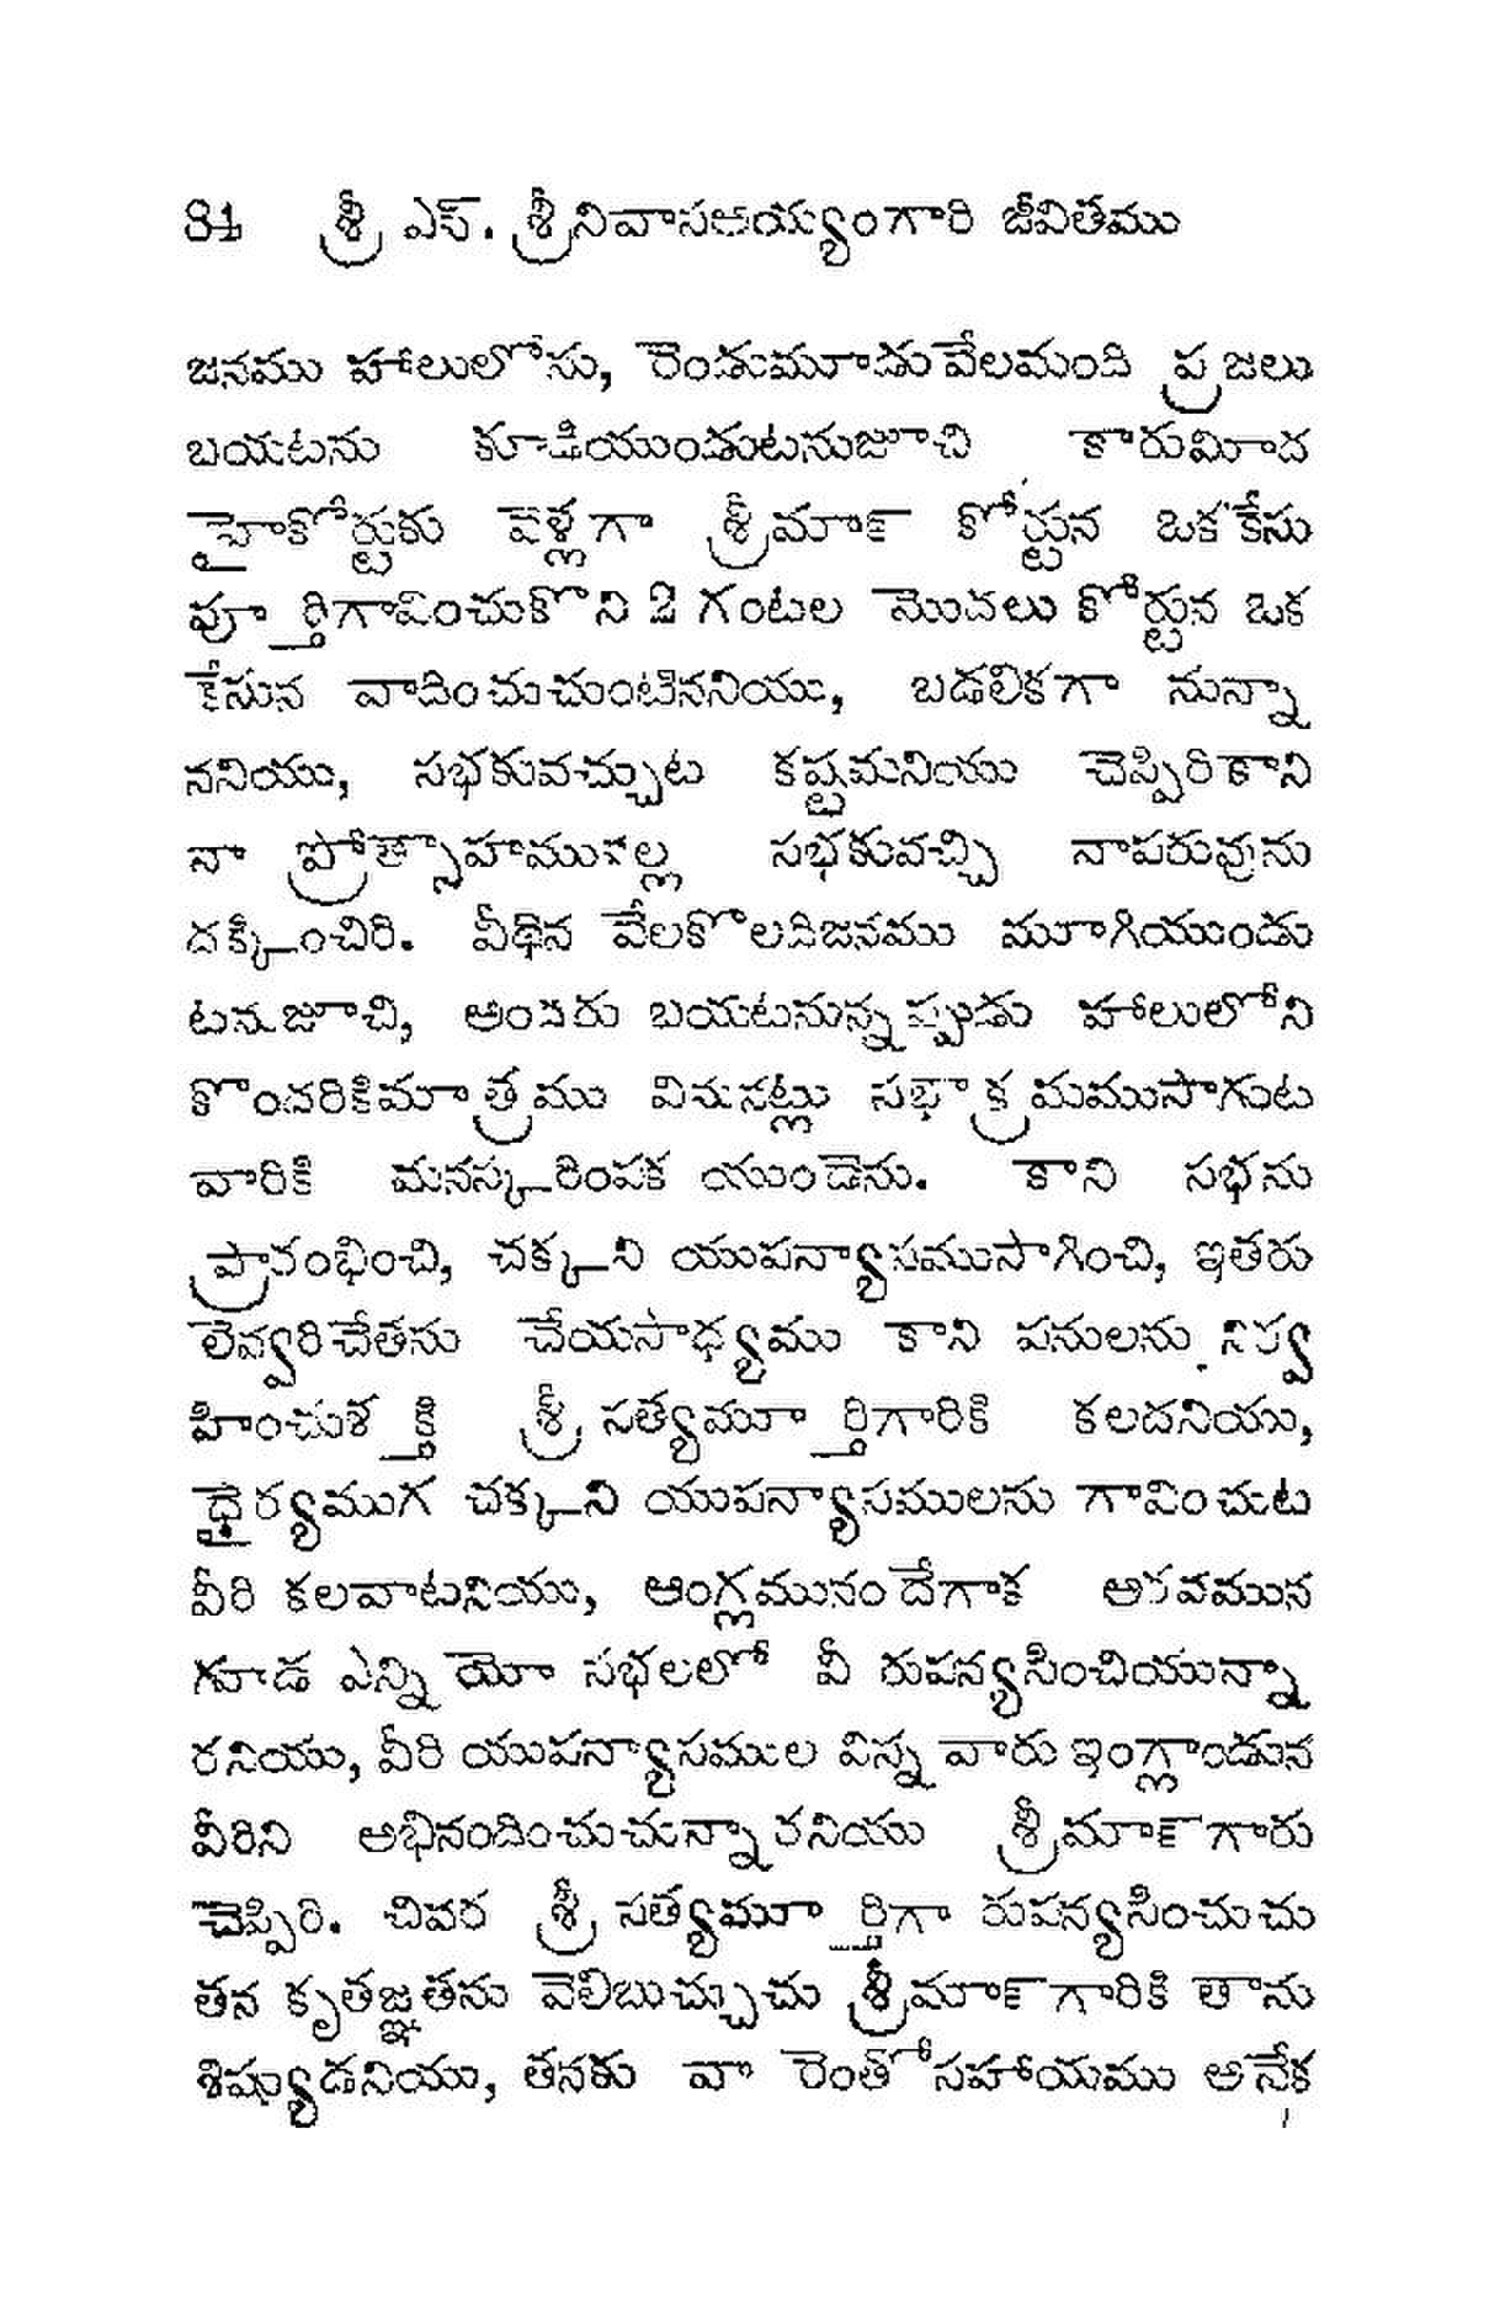జనము హాలులోను, రెండుమూడువేలమంది ప్రజలు బయటను కూడియుండుటను జూచి కారుమీద హైకోర్టుకు వెళ్లగా శ్రీమా౯ కోర్టున ఒకకేసు పూర్తిగావించుకొని 2 గంటల మొదలు కోర్టున ఒక కేసున వాదించుచుంటిననియు, బడలికగా నున్నాననియు, సభకువచ్చుట కష్టమనియు చెప్పిరికాని నా ప్రోత్సాహమువల్ల సభకువచ్చి నాపరువును దక్కించిరి. వీథిన వేలకొలదిజనము మూగియుండు టనుజూచి, అందరు బయటనున్నప్పుడు హాలులోని కొందరికిమాత్రము వినునట్లు సభాక్రమముసాగుట వారికి మనస్కరింపక యుండెను. కాని సభను ప్రారంభించి, చక్కని యుపన్యాసముసాగించి, ఇతరు లెవ్వరిచేతను చేయసాధ్యము కాని పనులను నిర్వహించుశక్తి శ్రీసత్యమూర్తిగారికి కలదనియు, ధైర్యముగ చక్కని యుపన్యాసములను గావించుట వీరి కలవాటనియు, ఆంగ్లమునందేగాక అరవమున గూడ ఎన్నియో సభలలో వీరుపన్యసించియున్నారనియు, వీరి యుపన్యాసముల విన్నవారు ఇంగ్లాండున వీరిని అభినందించుచున్నారనియు శ్రీమా౯గారు చెప్పిరి. చివర శ్రీ సత్యమూర్తిగా రుపన్యసించుచు తన కృతజ్ఞతను వెలిబుచ్చుచు శ్రీమా౯గారికి తాను శిష్యుడనియు, తనకు వా రెంతో సహాయము అనేక